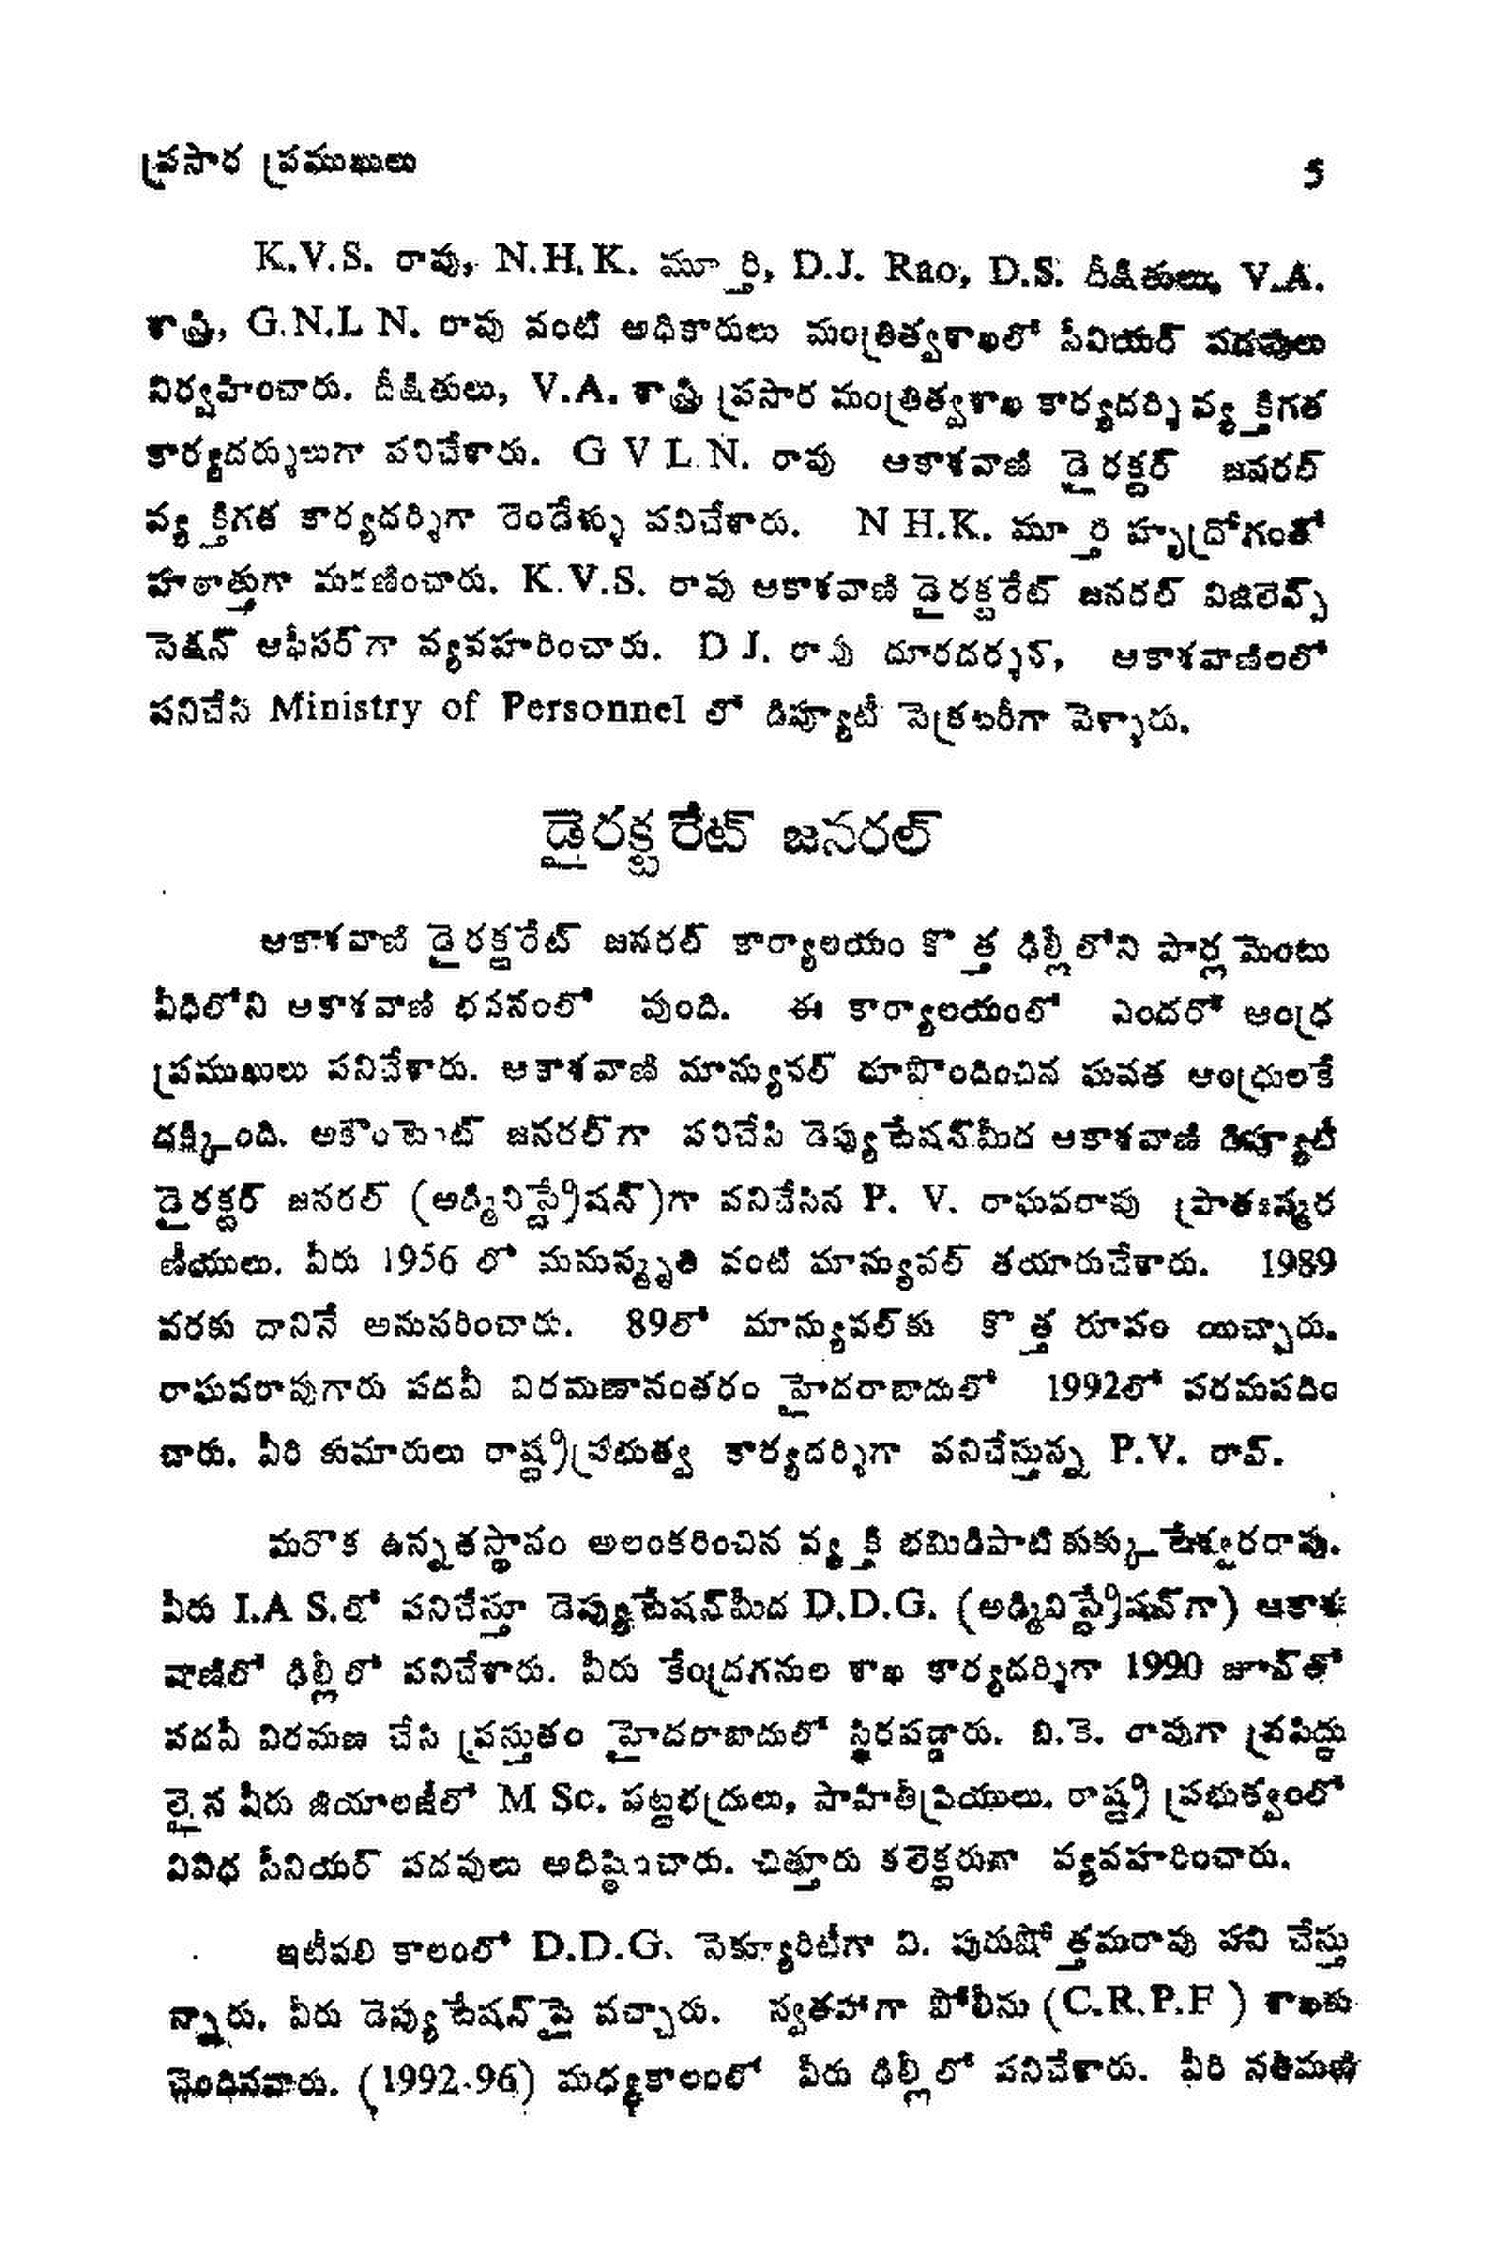K.V.S. రావు, N.H.K. మూర్తి, D.J. రావు, D.S. దీక్షితులు, V.A. శాస్త్రి, G.N.L.N. రావు వంటి అధికారులు మంత్రిత్వశాఖలో సీనియర్ పదవులు నిర్వహించారు. దీక్షితులు, V.A. శాస్త్రి ప్రసార మంత్రిత్వశాఖ కార్యదర్ఛి వ్యక్తిగత కార్యదర్శులుగా పనిచేశారు. G.V.L.N. రావు ఆకాశవాణి డైరక్టర్ వ్యక్తిగత కార్యదర్ఛిగా రెండేళ్ళు పనిచేసారు. N.H.K. మూర్తి హృద్రోగంతో హఠాత్తుగా మరణించారు. K.V.S. రావు ఆకాశవాణి డైరక్టర్ జనరల్ విజిలెన్స్ సెక్షన్ ఆఫీసర్ గా వ్యవహరించారు. D.J. రావు దూరదర్శన్, ఆకాశవాణిలలొ పనిచేసి Ministry of Personnel లో డిప్యూటీ సెక్రటరీగా వెళ్ళారు.

ఆకాశవాణి డైరక్టరేట్ జనరల్ కార్యాలయం కొత్త ఢిల్లీలోని పార్లమెంటు వీధిలోని ఆకాశవాణి భవనంలో వుంది. ఈ కార్యాలయంలో ఎందరో ఆంధ్ర ప్రముఖులు పనిచేశారు. ఆకాశవాణి మాన్యువల్ రూపొందించిన ఘనత ఆంధ్రులకే దక్కింది. అకౌంటెంట్ జనరల్ గా పనిచేసి డెప్యుటేషన్ మీద ఆకాశవాణి డిప్యూటీ డైరక్టర్ జనరల్ (అడ్మినిస్ట్రేషన్) గా పనిచేసిన P. V. రాఘవరావు ప్రాతఃస్మరణీయులు. వీరు 1956 లో మనుస్మృతి వంటి మాన్యువల్ తయారుచేశారు. 1989 వరకు దానినే అనుసరించారు. 1989 లో మాన్యువల్ కు కొత్తరూపం యిచ్చారు. రాఘవరావుగారు పదవీ విరమణానంతరం హైదరాబాదులో 1992 లో పరమపదించారు. వీరి కుమారులు రాష్ట్రప్రభుత్వ కార్యదర్శిగా పనిచేస్తున్న P. V. రావు.

మరొక ఉన్నతస్థానం అలంకరించిన వ్యక్తి భమిడిపాటి కుక్కుటేశ్వరరావు. వీరు I.A.S.లో పనిచేస్తూ డెప్యుటేషన్ మీద D.D.G. (అడ్మినిస్ట్రేషన్) గా ఆకాశవాణి ఢిల్లీలో పనిచేశారు. వీరు కేంద్ర గనుల శాఖ కార్యదర్శిగా 1990 జూన్ లో పదవీ విరమణ చేసి ప్రస్తుతం హైదరాబాదులో స్థిరపడ్డారు. బి.కె. రావుగా ప్రసిద్ధులైన వీరు జియాలజీలో M.S.c. పట్టభద్రులు, సాహితీప్రియులు. రాష్ట్ర ప్రభుత్వంలో వివిధ సీనియర్ పదవులు అధిష్టించారు. చిత్తూరు కలెక్టరుగా వ్యవహరించారు. 

ఇటీవలి కాలంలో D.D.G. సెక్యూరిటీగా వి. పురుషోత్తమరావు పనిచేస్తున్నారు. వీరు డెప్యుటేషన్ పై వచ్చారు. స్వతహాగా పోలీసు (C.R.P.F.) శాఖకు చెందినవారు. (1992-96) మధ్యకాలంలో వీరు ఢిల్లీలో పనిచేశారు. వీరి సతీమణి